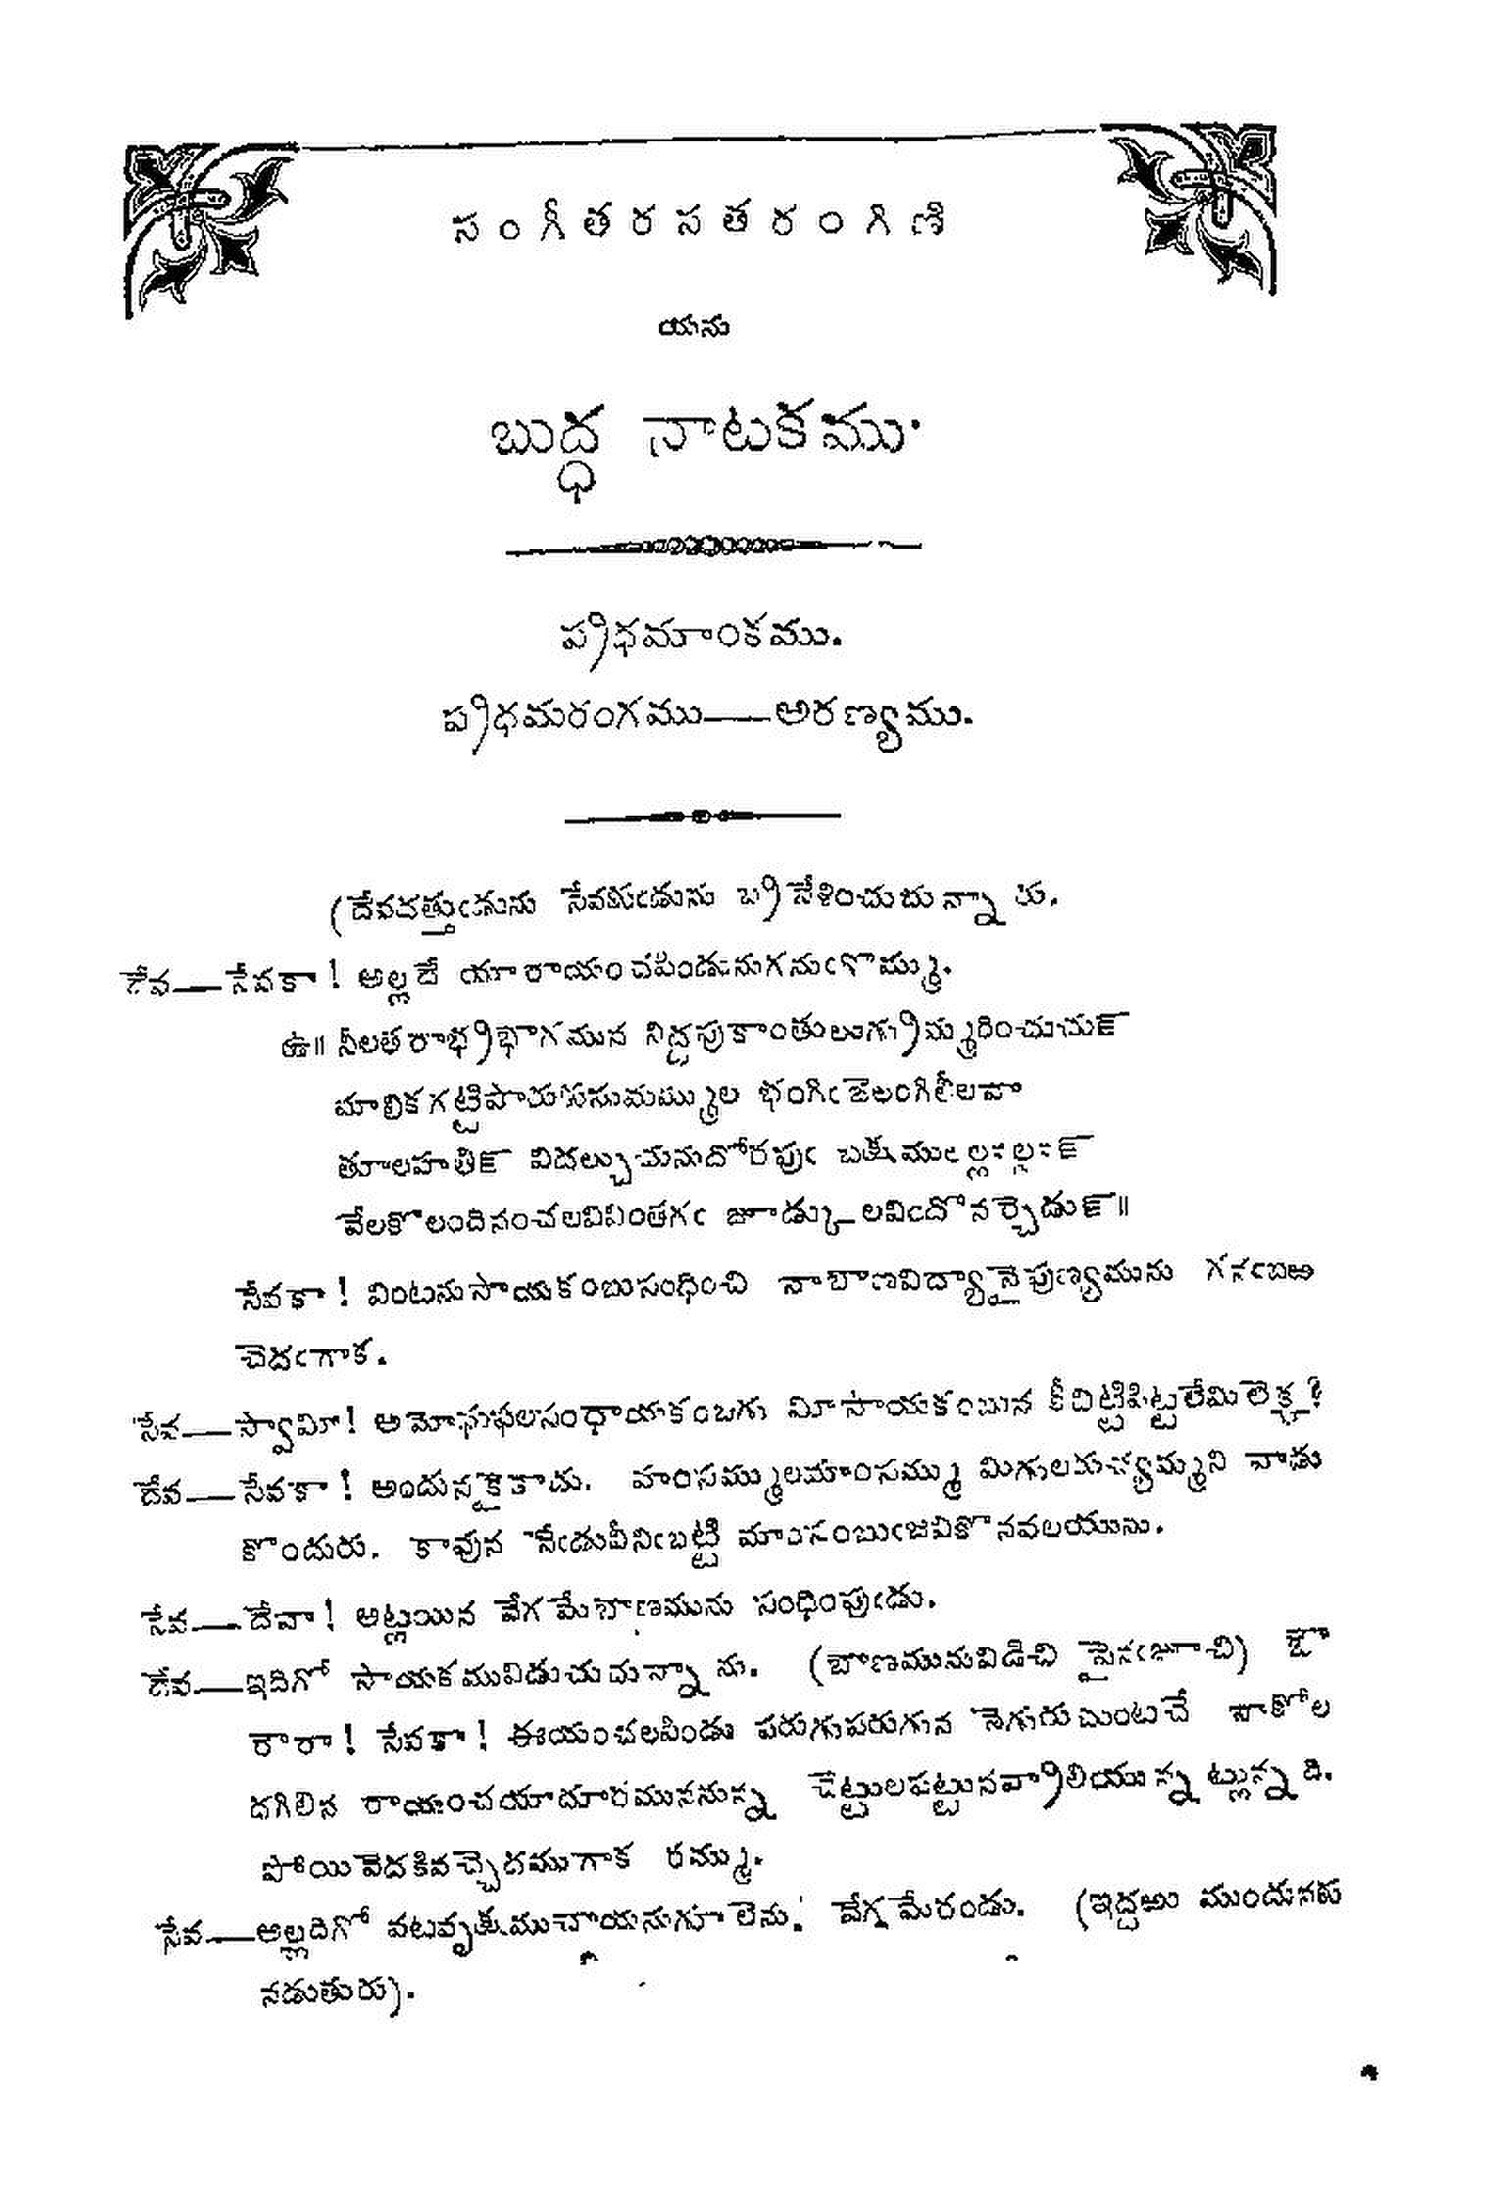దేవ - సేవకా ! అల్లదే యారాయంచపండును గనుఁగోమ్ము.

ఉ॥ నీలతరాభభాగమున నిద్రపుకాంతులు గుమ్మరించుచున్ 
మాలికగట్టిపొరు'కుసుమమ్ముల భంగిఁజెలంగిలీలవా 
తూలహ౯ విదల్చుమునుదోరవుఁ బక్షములల్లనల్గన౯ 
వేలకొలందినంచలవింతగఁ జూడ్కులవిందొనర్చెడు౯॥ 

సేవకా! వింటనుసాయకంబు సంధించి నాబాణవిద్యానైపుణ్యమును గనఁబఱ చెదఁగాక.

సేవ - స్వామి! ఆమోసుఫలసంధాయకంబగు మీ సాయకంబున కిచిట్టిపిట్టలేమిలెక్క?

దేవ - సేవకా ! అందున్నకైకాదు. హంసమ్ములమాంసమ్ము మిగులరుచ్యమ్మని వాడు కొందురు. కావున నేఁడువీనిఁబట్టి 
మాససంబుఁజనికొనవలయును.

సేవ — దేవా ! అట్లయిన వేగమేబాణమును సంధింపుఁడు.

దేవ — ఇదిగో సాయకమువిడుచుకున్నాను. (బాణమును విడిచి పైనఁజూచి) ఔరౌరా! సేవకా! ఈయంచలపిండు పరుగుపరుగున నెగ్గురు టుంటచే నాకోల దగిలిన రాయంచయాదూరముననున్న చెట్టులపట్టునవాలియున్నట్లున్నది. పోయి వెదకివచ్చెదము గాక రమ్ము.

సేవ— అల్లదిగో వటవృక్షముచాయనుగూలెను. వేగమేరండు. (ఇద్దఱు ముందునకు నడుతురు).